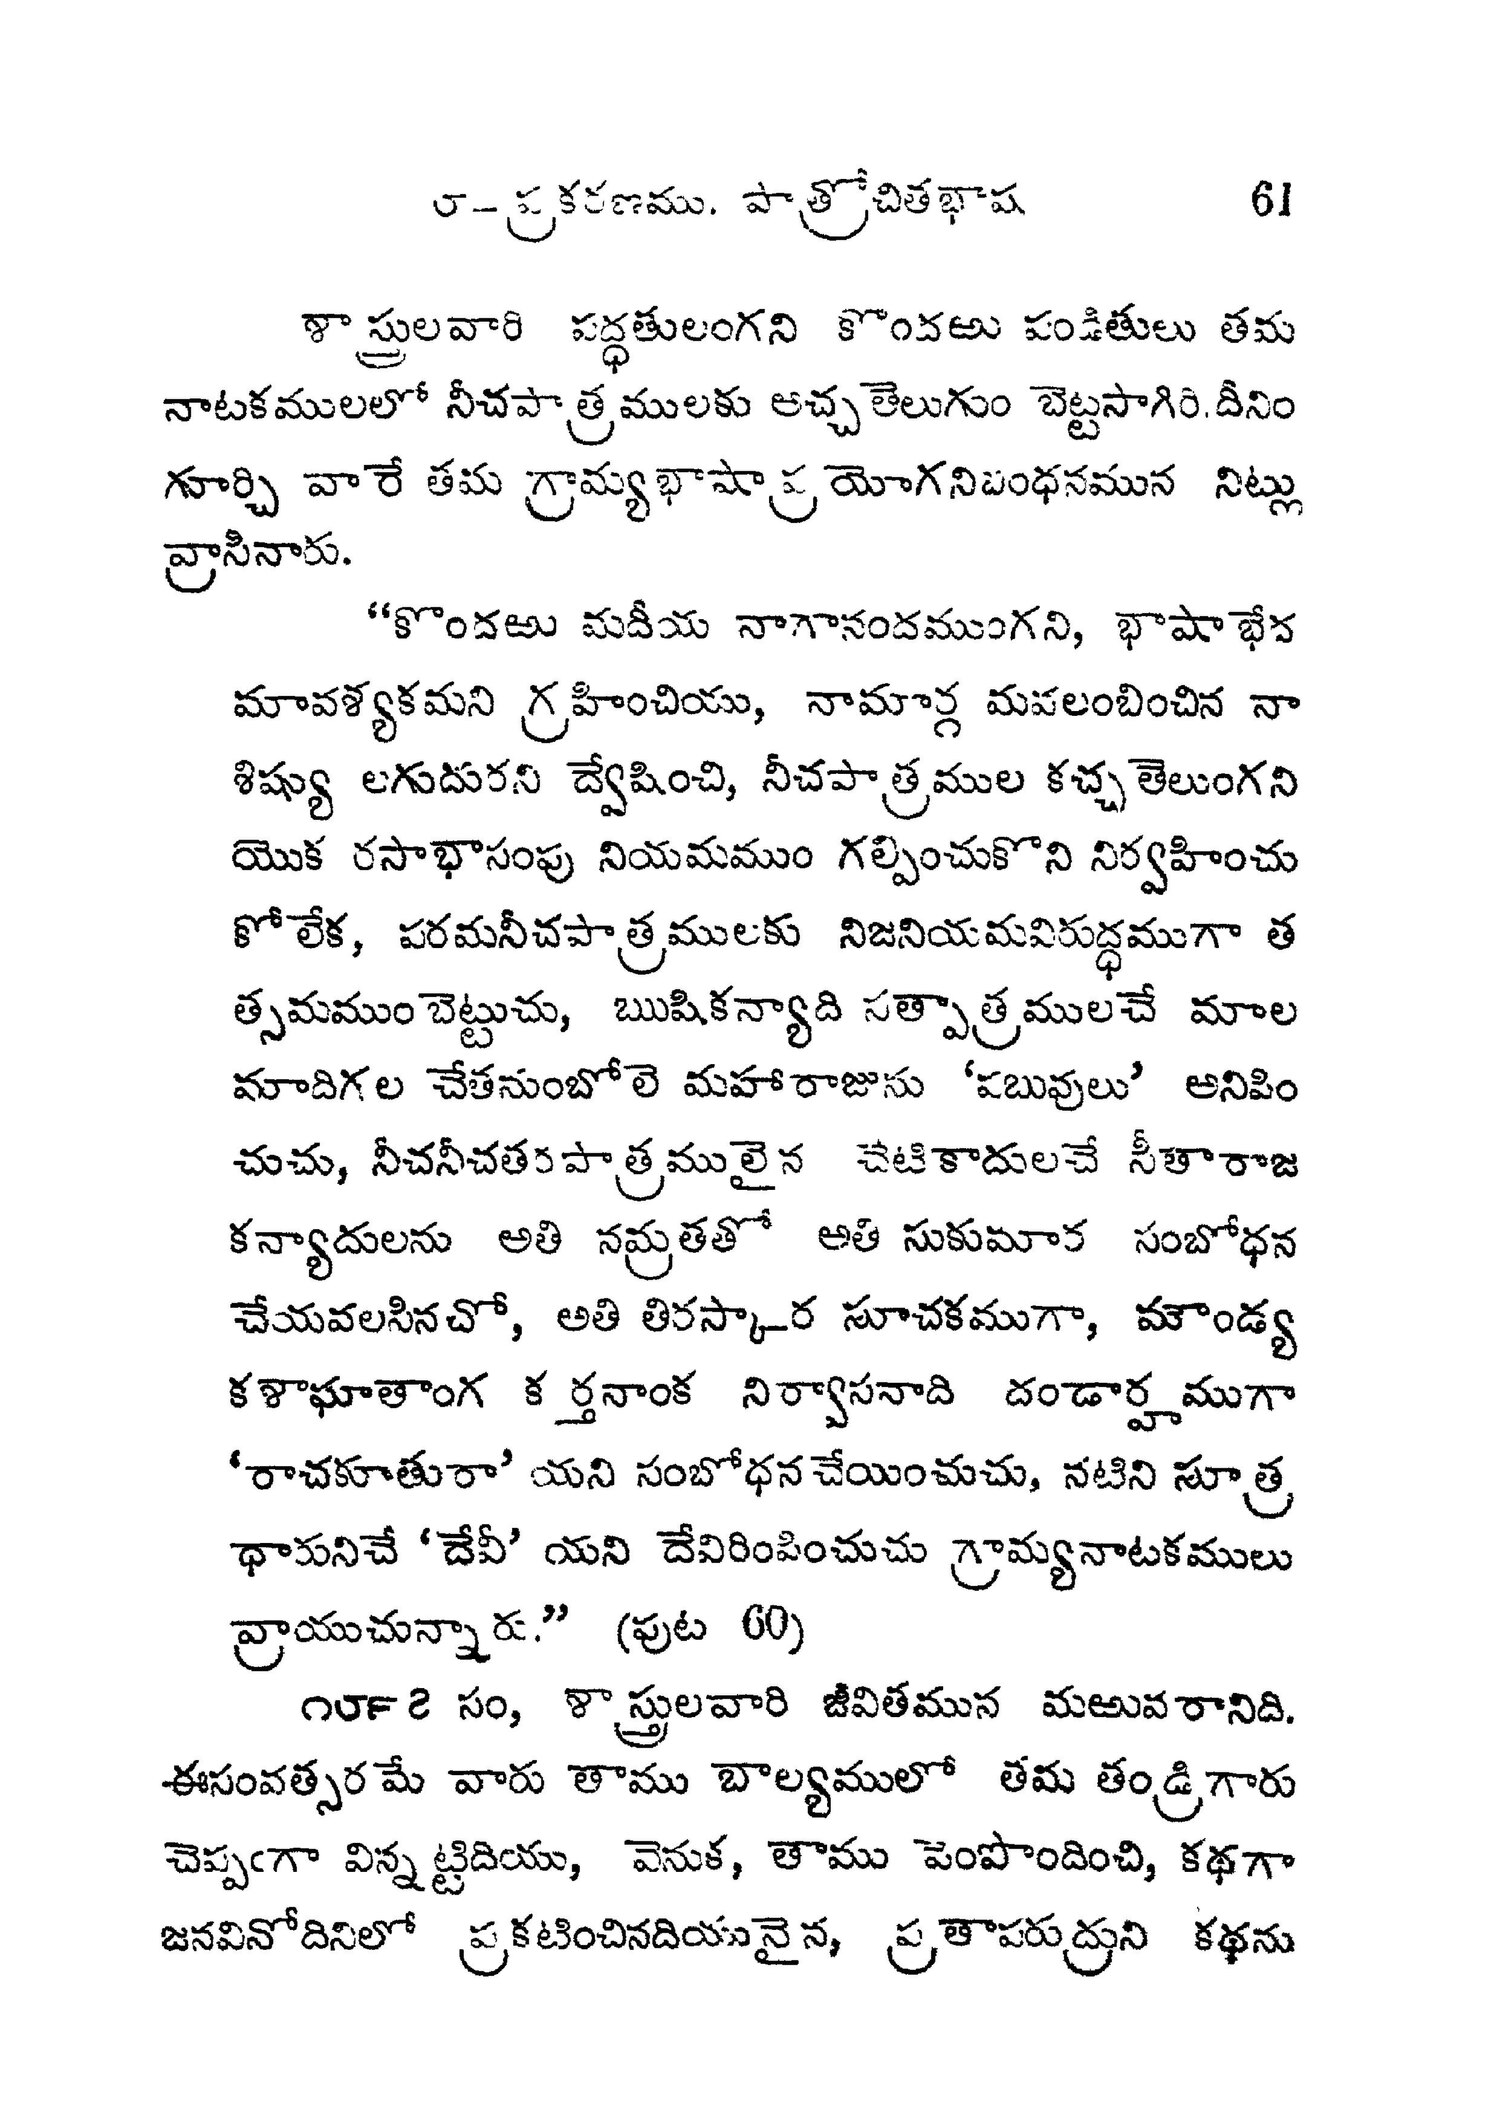శాస్త్రులవారి పద్ధతులంగని కొందఱు పండితులు తమ నాటకములలో నీచపాత్రములకు అచ్చతెలుగుం బెట్టసాగిరి. దీనింగూర్చి వారే తమ గ్రామ్యభాషాప్రయోగనిబంధనమున నిట్లు వ్రాసినారు.

"కొందఱు మదీయ నాగానందముంగని, భాషాభేద మావశ్యకమని గ్రహించియు, నామార్గ మవలంబించిన నా శిష్యు లగుదురని ద్వేషించి, నీచపాత్రముల కచ్చతెలుంగని యొక రసాభాసంపు నియమముం గల్పించుకొని నిర్వహించుకోలేక, పరమనీచ పాత్రములకు నిజనియమవిరుద్ధముగా తత్సమముంబెట్టుచు, ఋషికన్యాది సత్పాత్రములచే మాల మాదిగల చేతనుంబోలె మహారాజును 'పబువులు' అనిపించుచు, నీచనీచతరపాత్రములైన చేటికాదులచే సీతారాజ కన్యాదులను అతి నమ్రతతో అతి సుకుమార సంబోధన చేయవలసినచో, అతి తిరస్కార సూచకముగా, మౌండ్యకశాఘాతాంగ కర్తనాంక నిర్వాసనాది దండార్హముగా 'రాచకూతురా' యని సంబోధన చేయించుచు, నటిని సూత్రథారునిచే 'దేవీ' యని దేవిరింపించుచు గ్రామ్యనాటకములు వ్రాయుచున్నారు." (పుట 60)

1897 సం. శాస్త్రులవారి జీవితమున మఱువరానిది. ఈసంవత్సరమే వారు తాము బాల్యములో తమ తండ్రిగారు చెప్పగా విన్నట్టిదియు, వెనుక, తాము పెంపొందించి, కథగా జనవినోదినిలో ప్రకటించినదియునైన, ప్రతాపరుద్రుని కథను